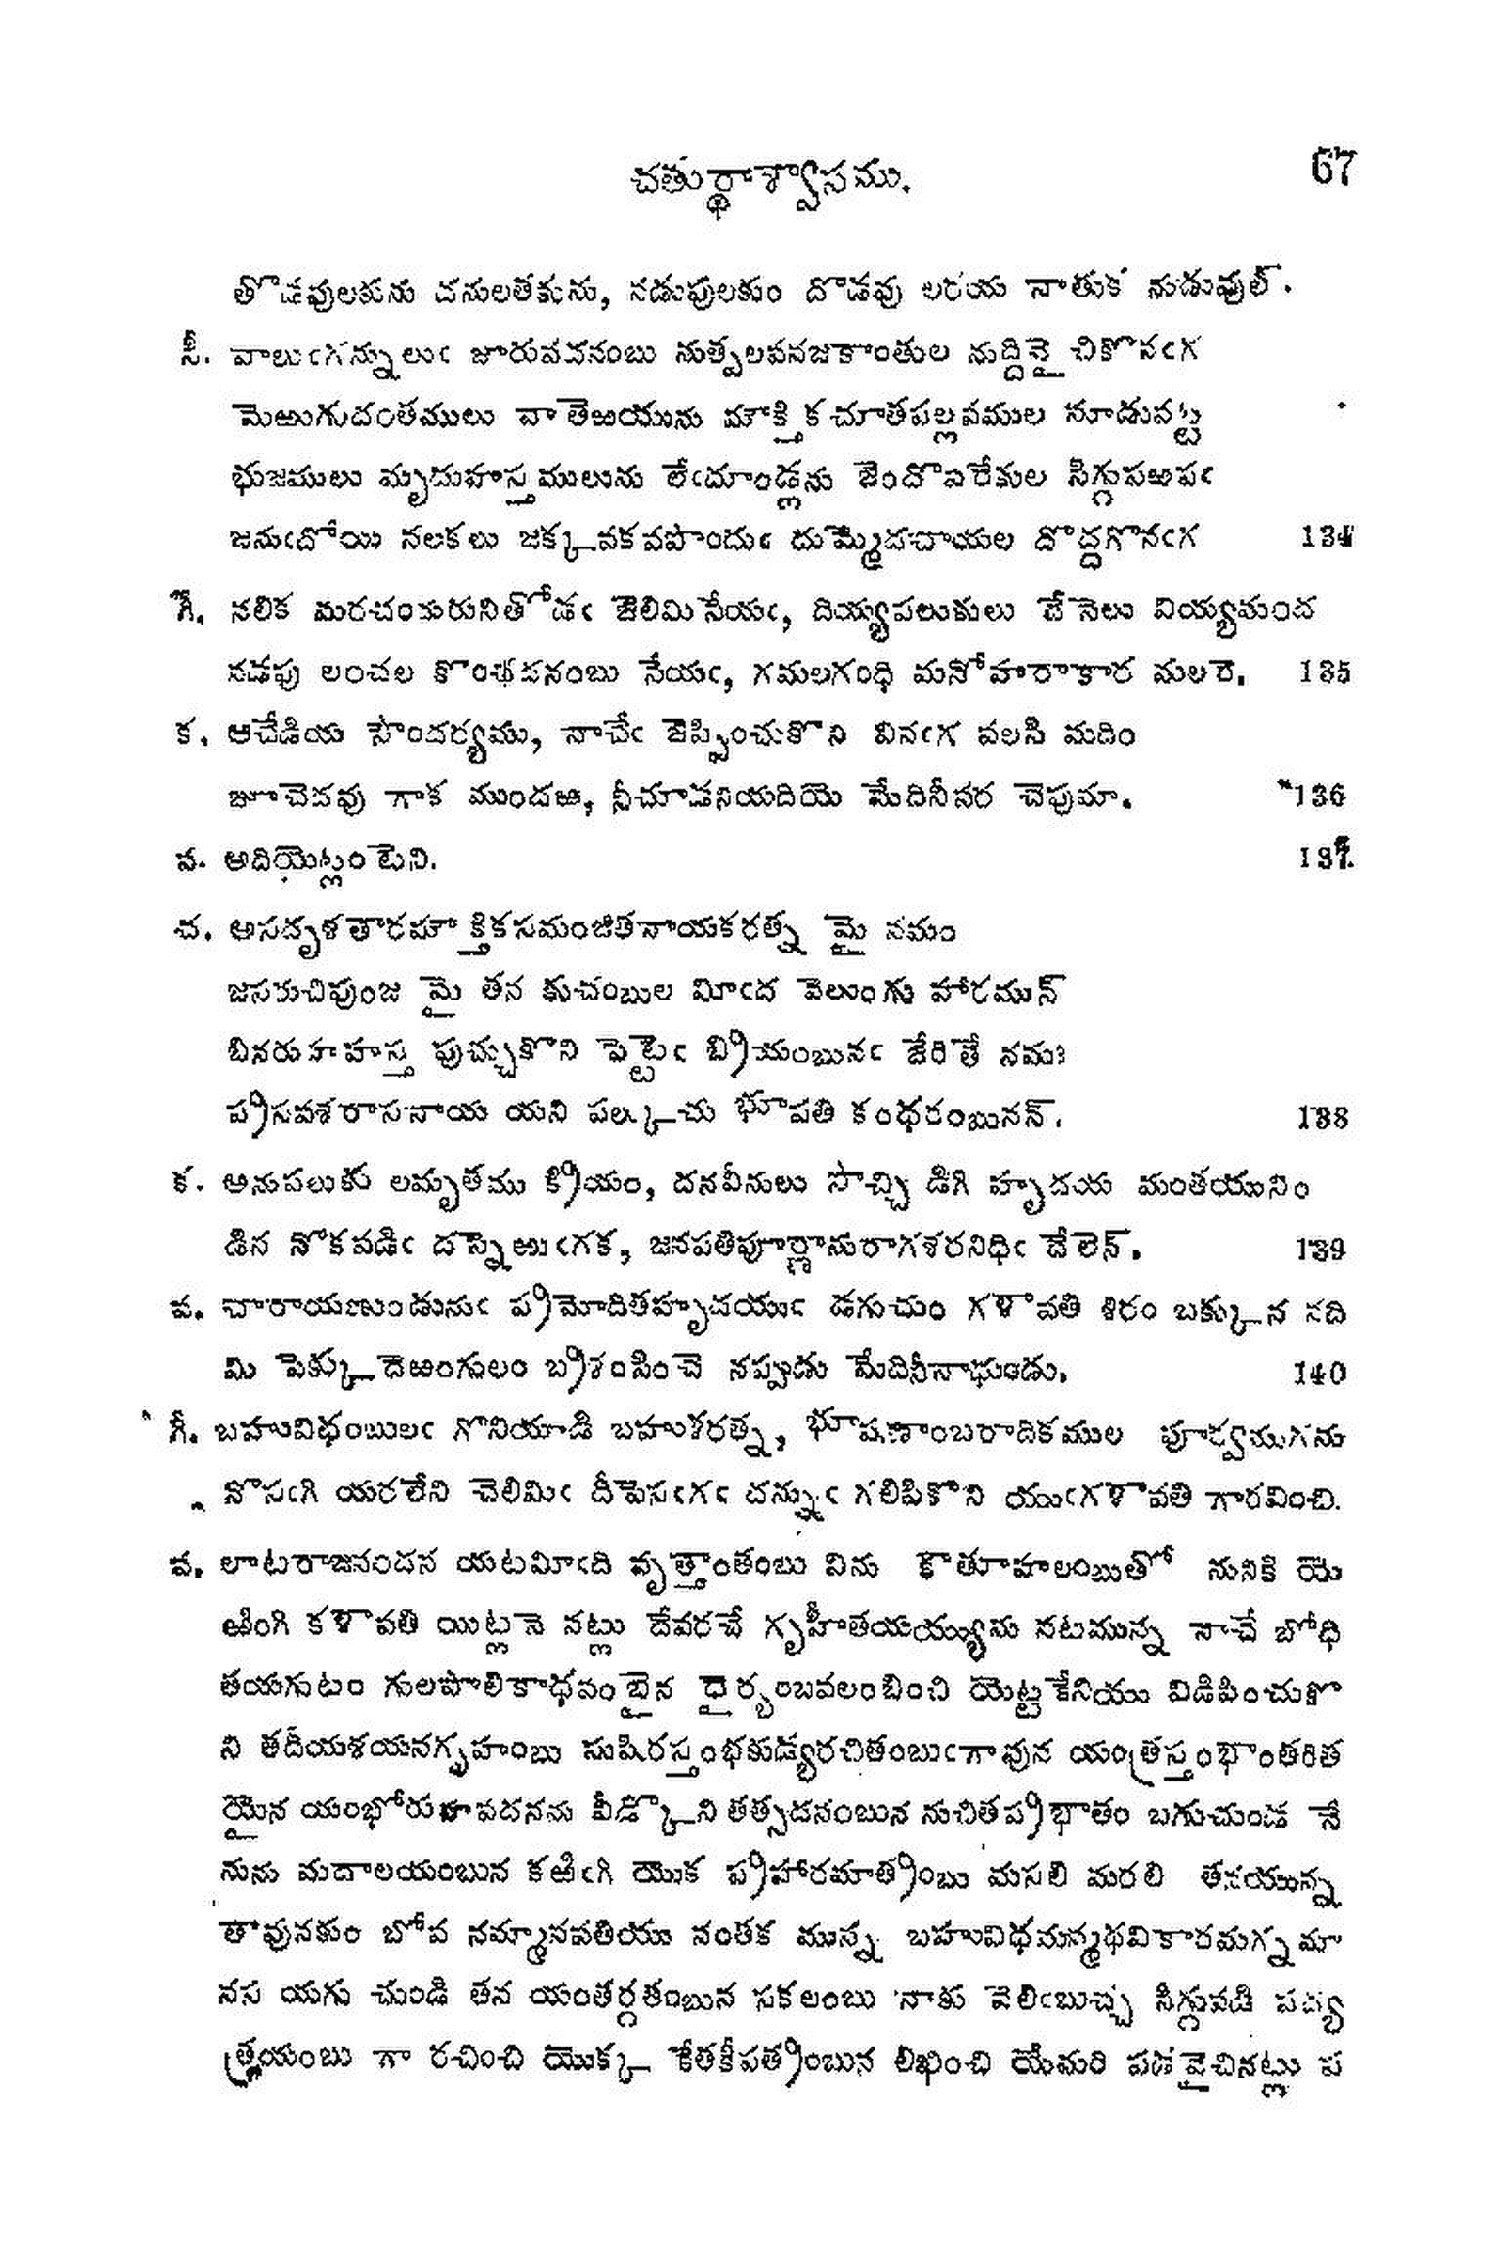తొడవులకును దనులతకును, నడుపులకుం దొడవు లరయ నాతుక నుడువుల్.
సీ. వాలుఁగన్నులుఁ జారువదనంబు నుత్పలవనజకాంతుల నుద్దివైచికొనఁగ
 మెఱుగుదంతములు వాతెఱయును మౌక్తికచూతపల్లవముల సూడువట్ట
 భుజములు మృదుహస్తములును లేఁదూండ్లను జెందొవరేకుల సిగ్గుపఱపఁ
 జనుఁదోయి నలకలు జక్కవకవపొందుఁ దుమ్మెదచాయల దొద్దగొనఁగ
గీ. నలిక మరచందురునితోడఁ జెలిమి సేయఁ, దియ్యపలుకులు దేనెలు వియ్యమంద
 నడపు లంచల కొంచదనంబు సేయఁ, గమలగంధి మనోహరాకార మలరె.
క. ఆచేడియ సౌందర్యము, నాచేఁ జెప్పించుకొని వినఁగ వలసి మదిం
 జూచెదవు గాక ముందఱ, నీచూడనియదియె మేదినీవర చెపుమా.
వ. అదియె ట్లం టేైని.
చ. అసదృశతారమౌక్తికసమంజితనాయకరత్న మై సమం
 జసరుచిపుంజ మై తన కుచంబుల మీఁద వెలుంగు హారమున్
 బిసరుహహస్త పుచ్చుకొని పెట్టెఁ బ్రియంబునఁ జేరితే నమః
 ప్రసవశరాసనాయ యని పల్కుచు భూపతి కంధరంబునన్.
క. అనుపలుకు లమృతము క్రియం, దనవీనులు సొచ్చి డిగి హృదయ మంతయునిం
 డిన నొకపడిఁ దన్నెఱుఁగక, జనపతి పూర్ణానురాగశరనిధిఁ దేలెన్.
వ. చారాయణుండునుఁ ప్రమోదితహృదయుఁ డగుచుం గళావతి శిరం బక్కున నది
 మి పెక్కుదెఱంగులం బ్రశంసించె నప్పుడు మేదినీనాథుఁడు.
గీ. బహువిధంబులఁ గొనియాడి బహుళరత్న, భూషణాంబరాదికముల పూర్వముగను
 నొసఁగి యరలేని చెలిమిఁ దీపెసఁగఁ దన్నుఁ గలిపికొనియుఁ గళావతి గారవించి.
వ. లాటరాజనందన యటమీఁది వృత్తాంతంబు విను కౌతూహలంబుతో నునికి యె
 ఱింగి కళావతి యిట్లనె నట్లు దేవరచే గృహీతయయ్యును నటమున్న నాచే బోధి
 తయగుటం గులపాలికాధవంబైన ధైర్యం బవలంబించి యెట్టకేనియు విడిపించుకొ
 ని తదీయశయనగృహంబు సుషిరస్తంభకుడ్యరచితంబుఁ గావున యంత్రస్తంభాంతరిత
 యైన యంభోరుహవదనను వీడ్కొని తత్సదనంబున నుచితప్రభాతం బగుచుండ నే
 నును మదాలయంబున కఱిఁగి యొకప్రహారమాత్రంబు మసలి మరలి తనయున్న
 తావునకుం బోవ నమ్మానవతియు నంతక మున్న బహువిధమన్మథవికారమగ్నమా
 నస యగుచుండి తన యంతర్గతంబున సకలంబు నాకు వెలిఁబుచ్చ సిగ్గుపడి పద్య
 త్రయంబు గా రచించి యొక్కకేతకీపత్రంబున లిఖించి యేమరి పడవైచినట్లు